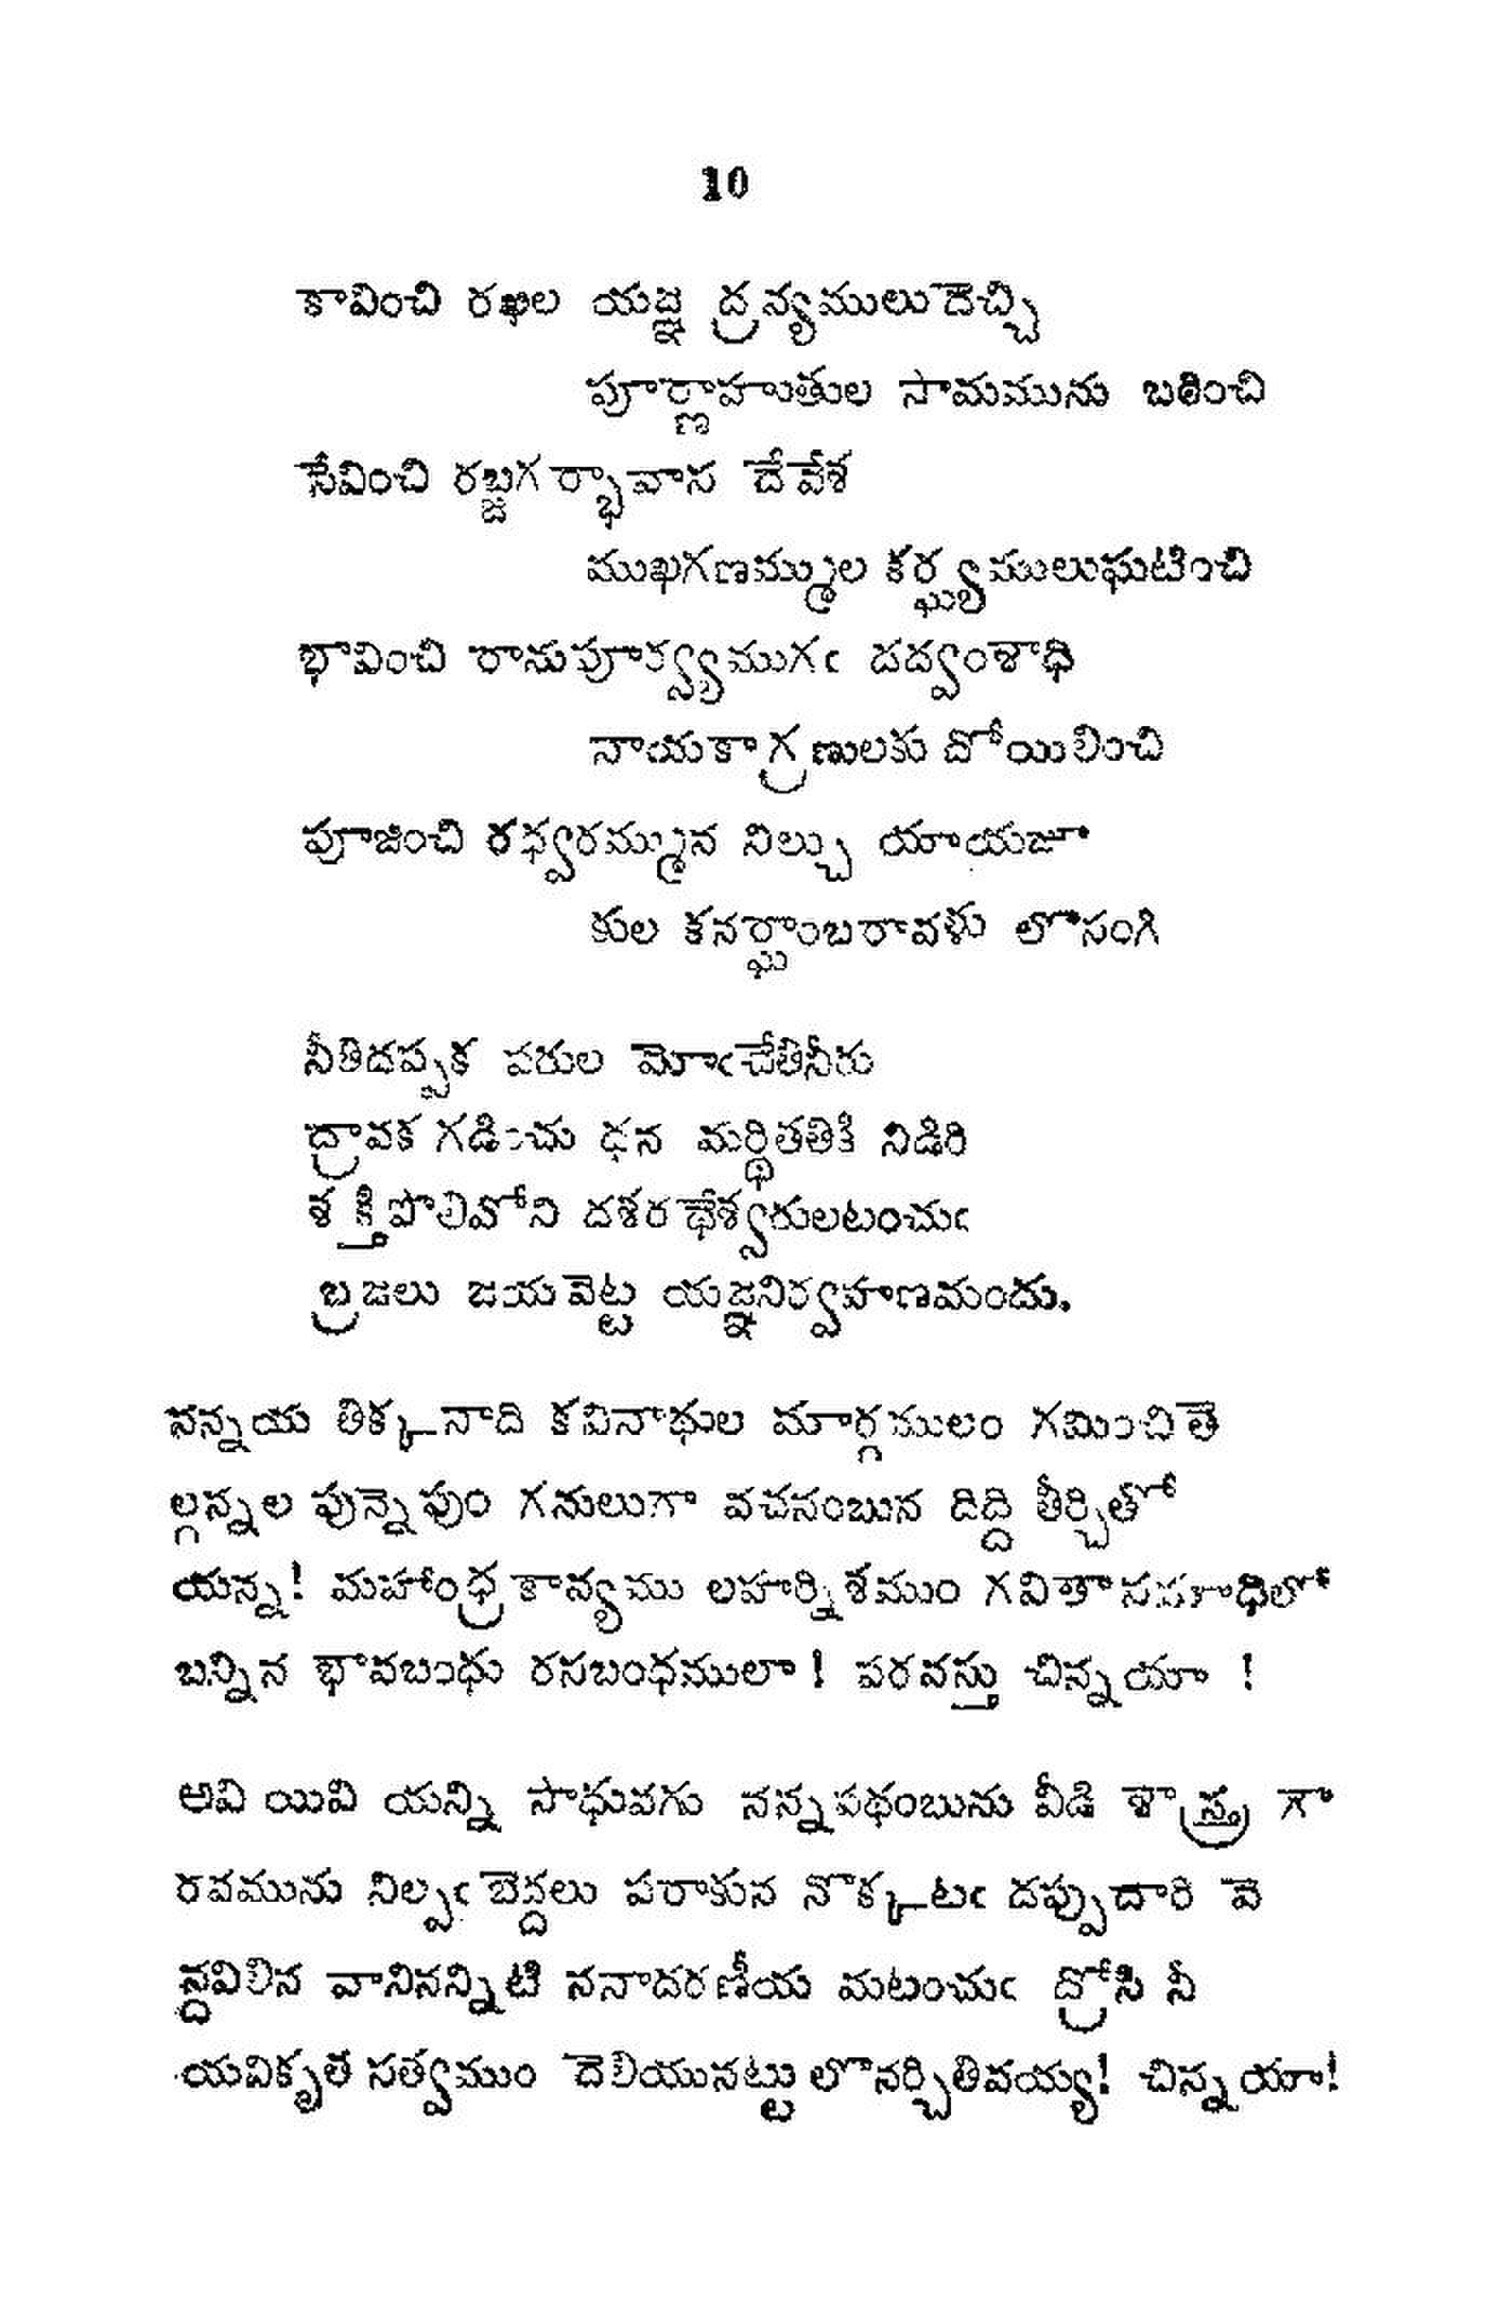కావించి రఖిల యజ్ఞ ద్రవ్యములుదెచ్చి
 పూర్ణాహుతుల సామమును బఠించి 
సేవించి రబ్జగర్భావాస దేవేశ
 ముఖగణమ్ముల కర్ఘ్యములుఘటించి 
భావించి రానుపూర్స్యముగఁ దద్వంశాధి
 నాయకాగ్రణులకు దోయిలించి 
పూజించి రధ్వరమ్మున నిల్చు యాయజూ
 కుల కనర్ఘాంబరావళు లొసంగి 

నీతిదప్పక పరుల మోఁచేతినీరు 
ద్రావక గడించు ధన మర్థితతికి నిడిరి 
శక్తిపొలివోని దశరథేశ్వరులటంచుఁ
బ్రజలు జయవెట్ట యజ్ఞనిర్వహణమందు. 

నన్నయ తిక్కనాది కవినాథుల మార్గములం గమిచితె 
ల్గన్నల పున్నెపుం గనులుగా వచనంబున దిద్ది తీర్చితో 
యన్న! మహాంధ్రకావ్యము లహర్నిశముం గవితాసమూధిలో 
బన్నిన భావబంధు రసబంధములా ! పరవస్తు చిన్నయా !

అవి యివి యన్ని సాధువగు నన్నపథంబును వీడి శాస్త్ర, గౌ 
రవమును నిల్పఁబెద్దలు పరాకున నొక్కటఁ దప్పుదారి వె 
న్దవిలిన వానినన్నిటి ననాదరణీయ మటంచుఁ ద్రోసి నీ 
యవికృత సత్వముం దెలియునట్టు లొనర్చితివయ్య! చిన్నయా!